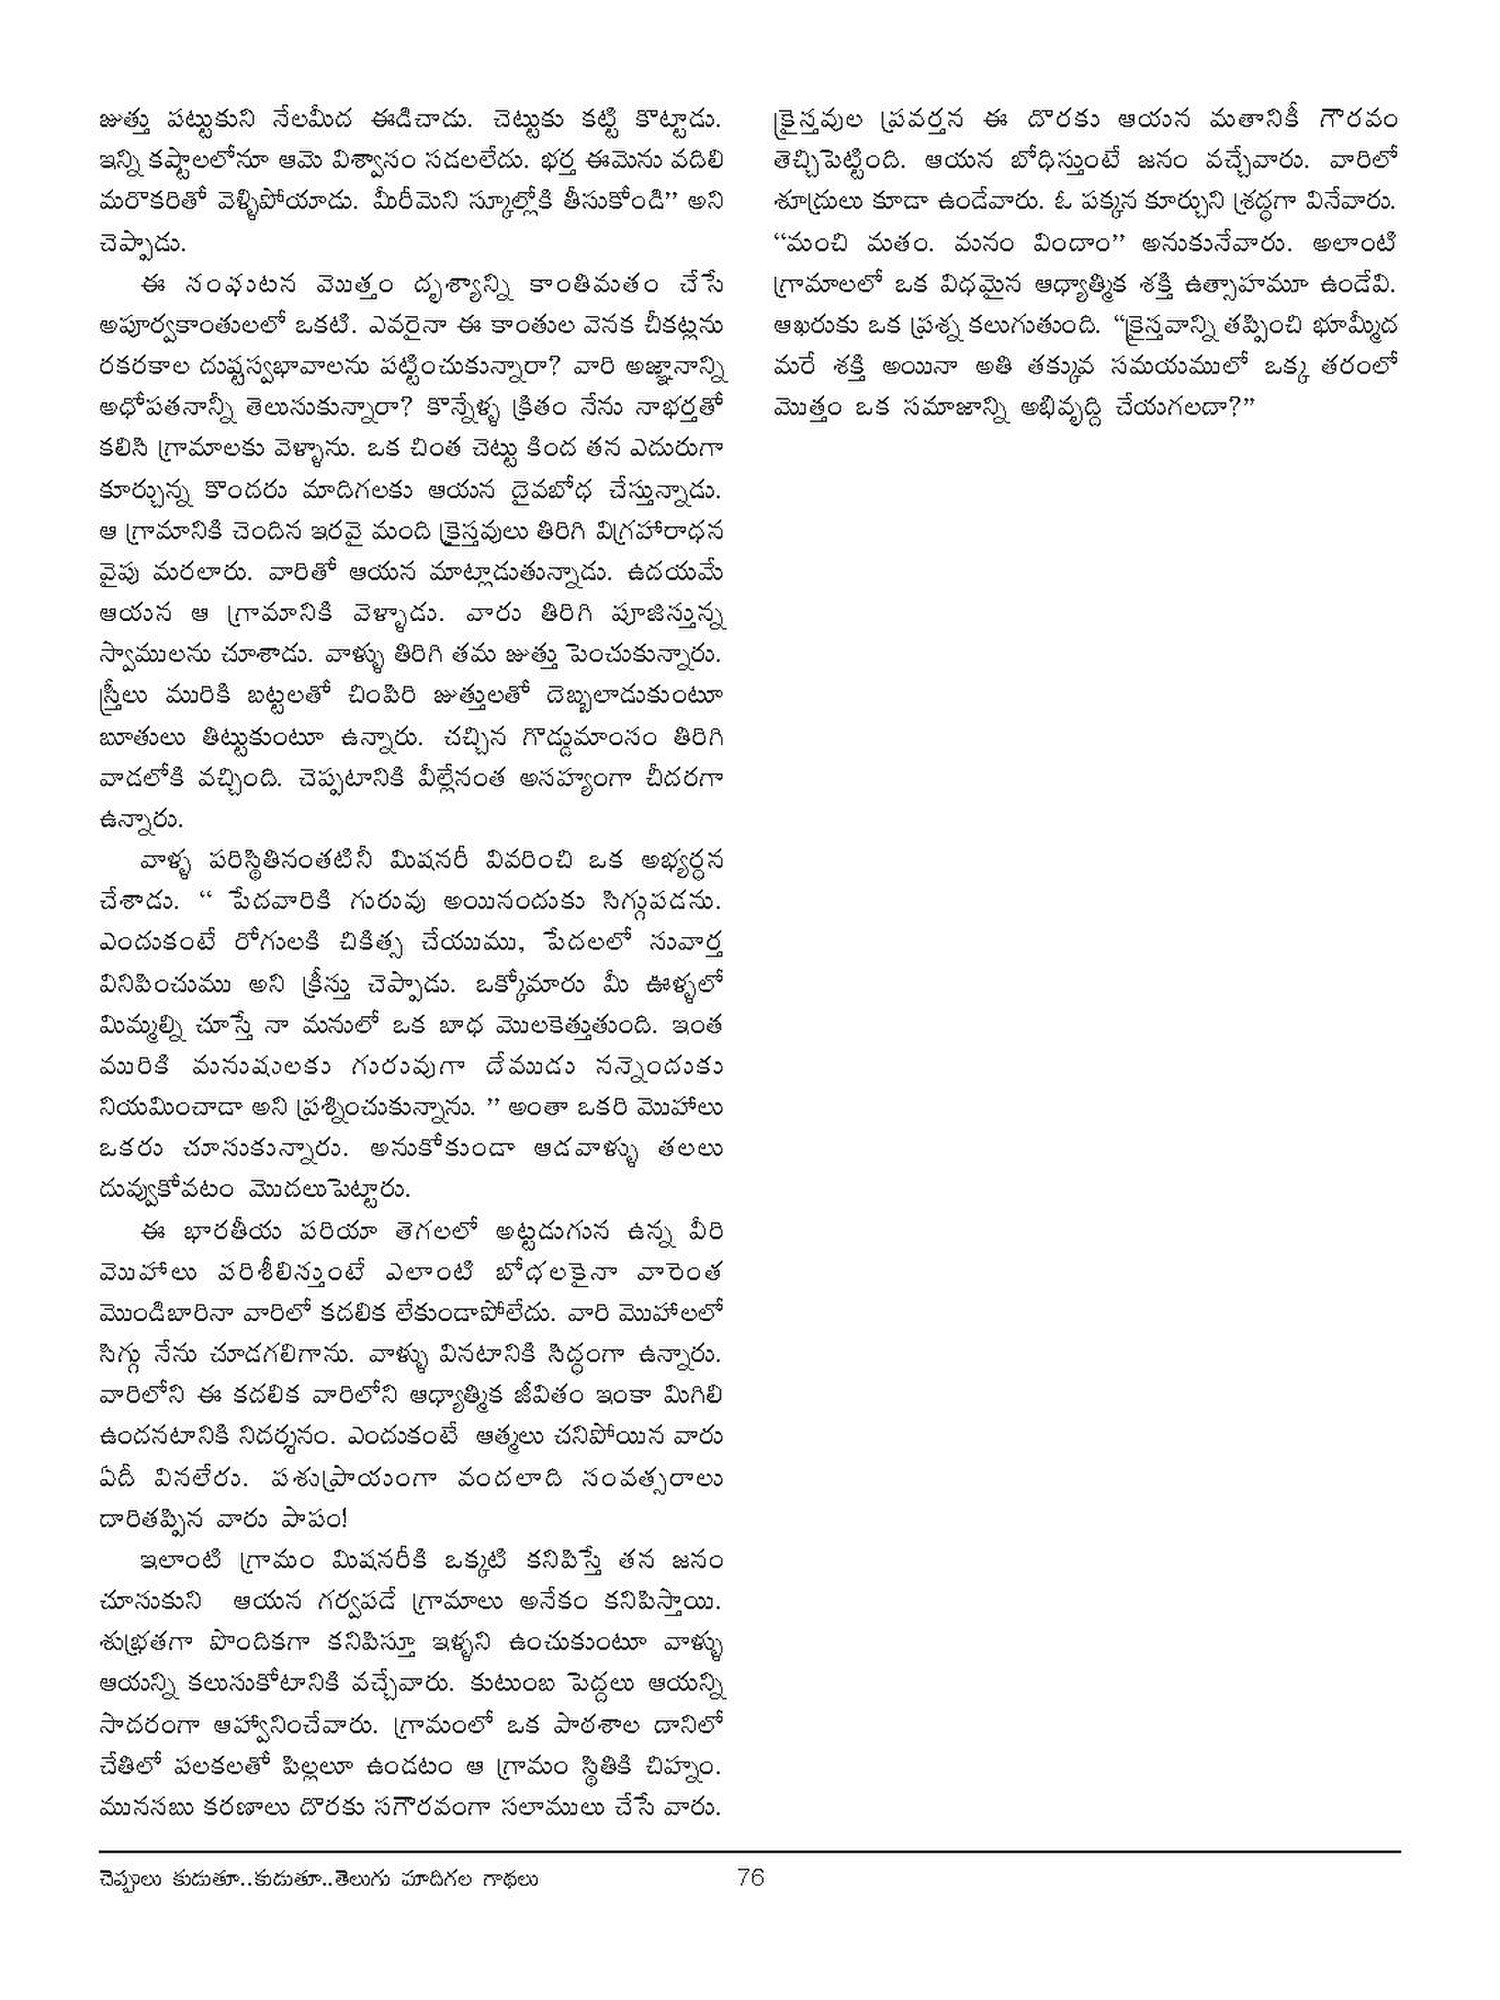జుత్తు పట్టుకుని నేలమీద ఈడిచాడు. చెట్టుకు కట్టి కొట్టాడు. ఇన్ని కష్టాలలోనూ ఆమె విశ్వాసం సడలలేదు. భర్త ఈమెను వదిలి మరొకరితో వెళ్ళిపోయాడు. మీరీమెని స్కూల్లోకి తీసుకోండి” అని చెప్పాడు.

ఈ సంఘటన మొత్తం దృశ్యాన్ని కాంతిమతం చేసే అపూర్వకాంతులలో ఒకటి. ఎవరైనా ఈ కాంతుల వెనక చీకట్లను రకరకాల దుష్టస్వభావాలను పట్టించుకున్నారా? వారి అజ్ఞానాన్ని అధోపతనాన్నీ తెలుసుకున్నారా? కొన్నేళ్ళ క్రితం నేను నా భర్తతో కలిసి గ్రామాలకు వెళ్ళాను. ఒక చింత చెట్టు కింద తన ఎదురుగా కూర్చున్న కొందరు మాదిగలకు ఆయన దైవబోధ చేస్తున్నాడు. ఆ గ్రామానికి చెందిన ఇరవై మంది క్రైస్తవులు తిరిగి విగ్రహారాధన వైపు మరలారు. వారితో ఆయన మాట్లాడుతున్నాడు. ఉదయమే ఆయన ఆ గ్రామానికి వెళ్ళాడు. వారు తిరిగి పూజిస్తున్న స్వాములను చూశాడు. వాళ్ళు తిరిగి తమ జుత్తు పెంచుకున్నారు. స్త్రీలు మురికి బట్టలతో చింపిరి జుత్తులతో దెబ్బలాడుకుంటూ బూతులు తిట్టుకుంటూ ఉన్నారు. చచ్చిన గొడ్డుమాంసం తిరిగి వాడలోకి వచ్చింది. చెప్పటానికి వీల్లేనంత అసహ్యంగా చీదరగా ఉన్నారు.

వాళ్ళ పరిస్థితినంతటినీ మిషనరీ వివరించి ఒక అభ్యర్ధన చేశాడు. "పేదవారికి గురువు అయినందుకు సిగ్గుపడను. ఎందుకంటే రోగులకి చికిత్స చేయుము, పేదలలో సువార్త వినిపించుము అని క్రీస్తు చెప్పాడు. ఒక్కోమారు మీ ఊళ్ళలో మిమ్మల్ని చూస్తే నా మనులో ఒక బాధ మొలకెత్తుతుంది. ఇంత మురికి మనుషులకు గురువుగా దేముడు నన్నెందుకు నియమించాడా అని ప్రశ్నించుకున్నాను." అంతా ఒకరి మొహాలు ఒకరు చూసుకున్నారు. అనుకోకుండా ఆడవాళ్ళు తలలు దువ్వుకోవటం మొదలు పెట్టారు.

ఈ భారతీయ పరియా తెగలలో అట్టడుగున ఉన్న వీరి మొహాలు పరిశీలిస్తుంటే ఎలాంటి బోధలకైనా వారెంత మొండిబారినా వారిలో కదలిక లేకుండాపోలేదు. వారి మొహాలలో సిగ్గు నేను చూడగలిగాను. వాళ్ళు వినటానికి సిద్ధంగా ఉన్నారు. వారిలోని ఈ కదలిక వారిలోని ఆధ్యాత్మిక జీవితం ఇంకా మిగిలి
ఉందనటానికి నిదర్శనం. ఎందుకంటే ఆత్మలు చనిపోయిన వారు ఏదీ వినలేరు. పశుప్రాయంగా వందలాది సంవత్సరాలు దారితప్పిన వారు పాపం!

ఇలాంటి గ్రామం మిషనరీకి ఒక్కటి కనిపిస్తే తన జనం చూసుకుని ఆయన గర్వపడే గ్రామాలు అనేకం కనిపిస్తాయి. శుభ్రతగా పొందికగా కనిపిస్తూ ఇళ్ళని ఉంచుకుంటూ వాళ్ళు ఆయన్ని కలుసుకోటానికి వచ్చేవారు. కుటుంబ పెద్దలు ఆయన్ని సాదరంగా ఆహ్వానించేవారు. గ్రామంలో ఒక పాఠశాల దానిలో
చేతిలో పలకలతో పిల్లలూ ఉండటం ఆ గ్రామం స్థితికి చిహ్నం. మునసబు కరణాలు దొరకు సగౌరవంగా సలాములు చేసే వారు. క్రైస్తవుల ప్రవర్తన ఈ దొరకు ఆయన మతానికీ గౌరవం తెచ్చిపెట్టింది. ఆయన బోధిస్తుంటే జనం వచ్చేవారు. వారిలో శూద్రులు కూడా ఉండేవారు. ఓ పక్కన కూర్చుని శ్రద్ధగా వినేవారు.
"మంచి మతం. మనం విందాం" అనుకునేవారు. అలాంటి గ్రామాలలో ఒక విధమైన ఆధ్యాత్మిక శక్తి ఉత్సాహమూ ఉండేవి. ఆఖరుకు ఒక ప్రశ్న కలుగుతుంది. "క్రైస్తవాన్ని తప్పించి భూమ్మీద మరే శక్తి అయినా అతి తక్కువ సమయములో ఒక్క తరంలో మొత్తం ఒక సమాజాన్ని అభివృద్ధి చేయగలదా?"